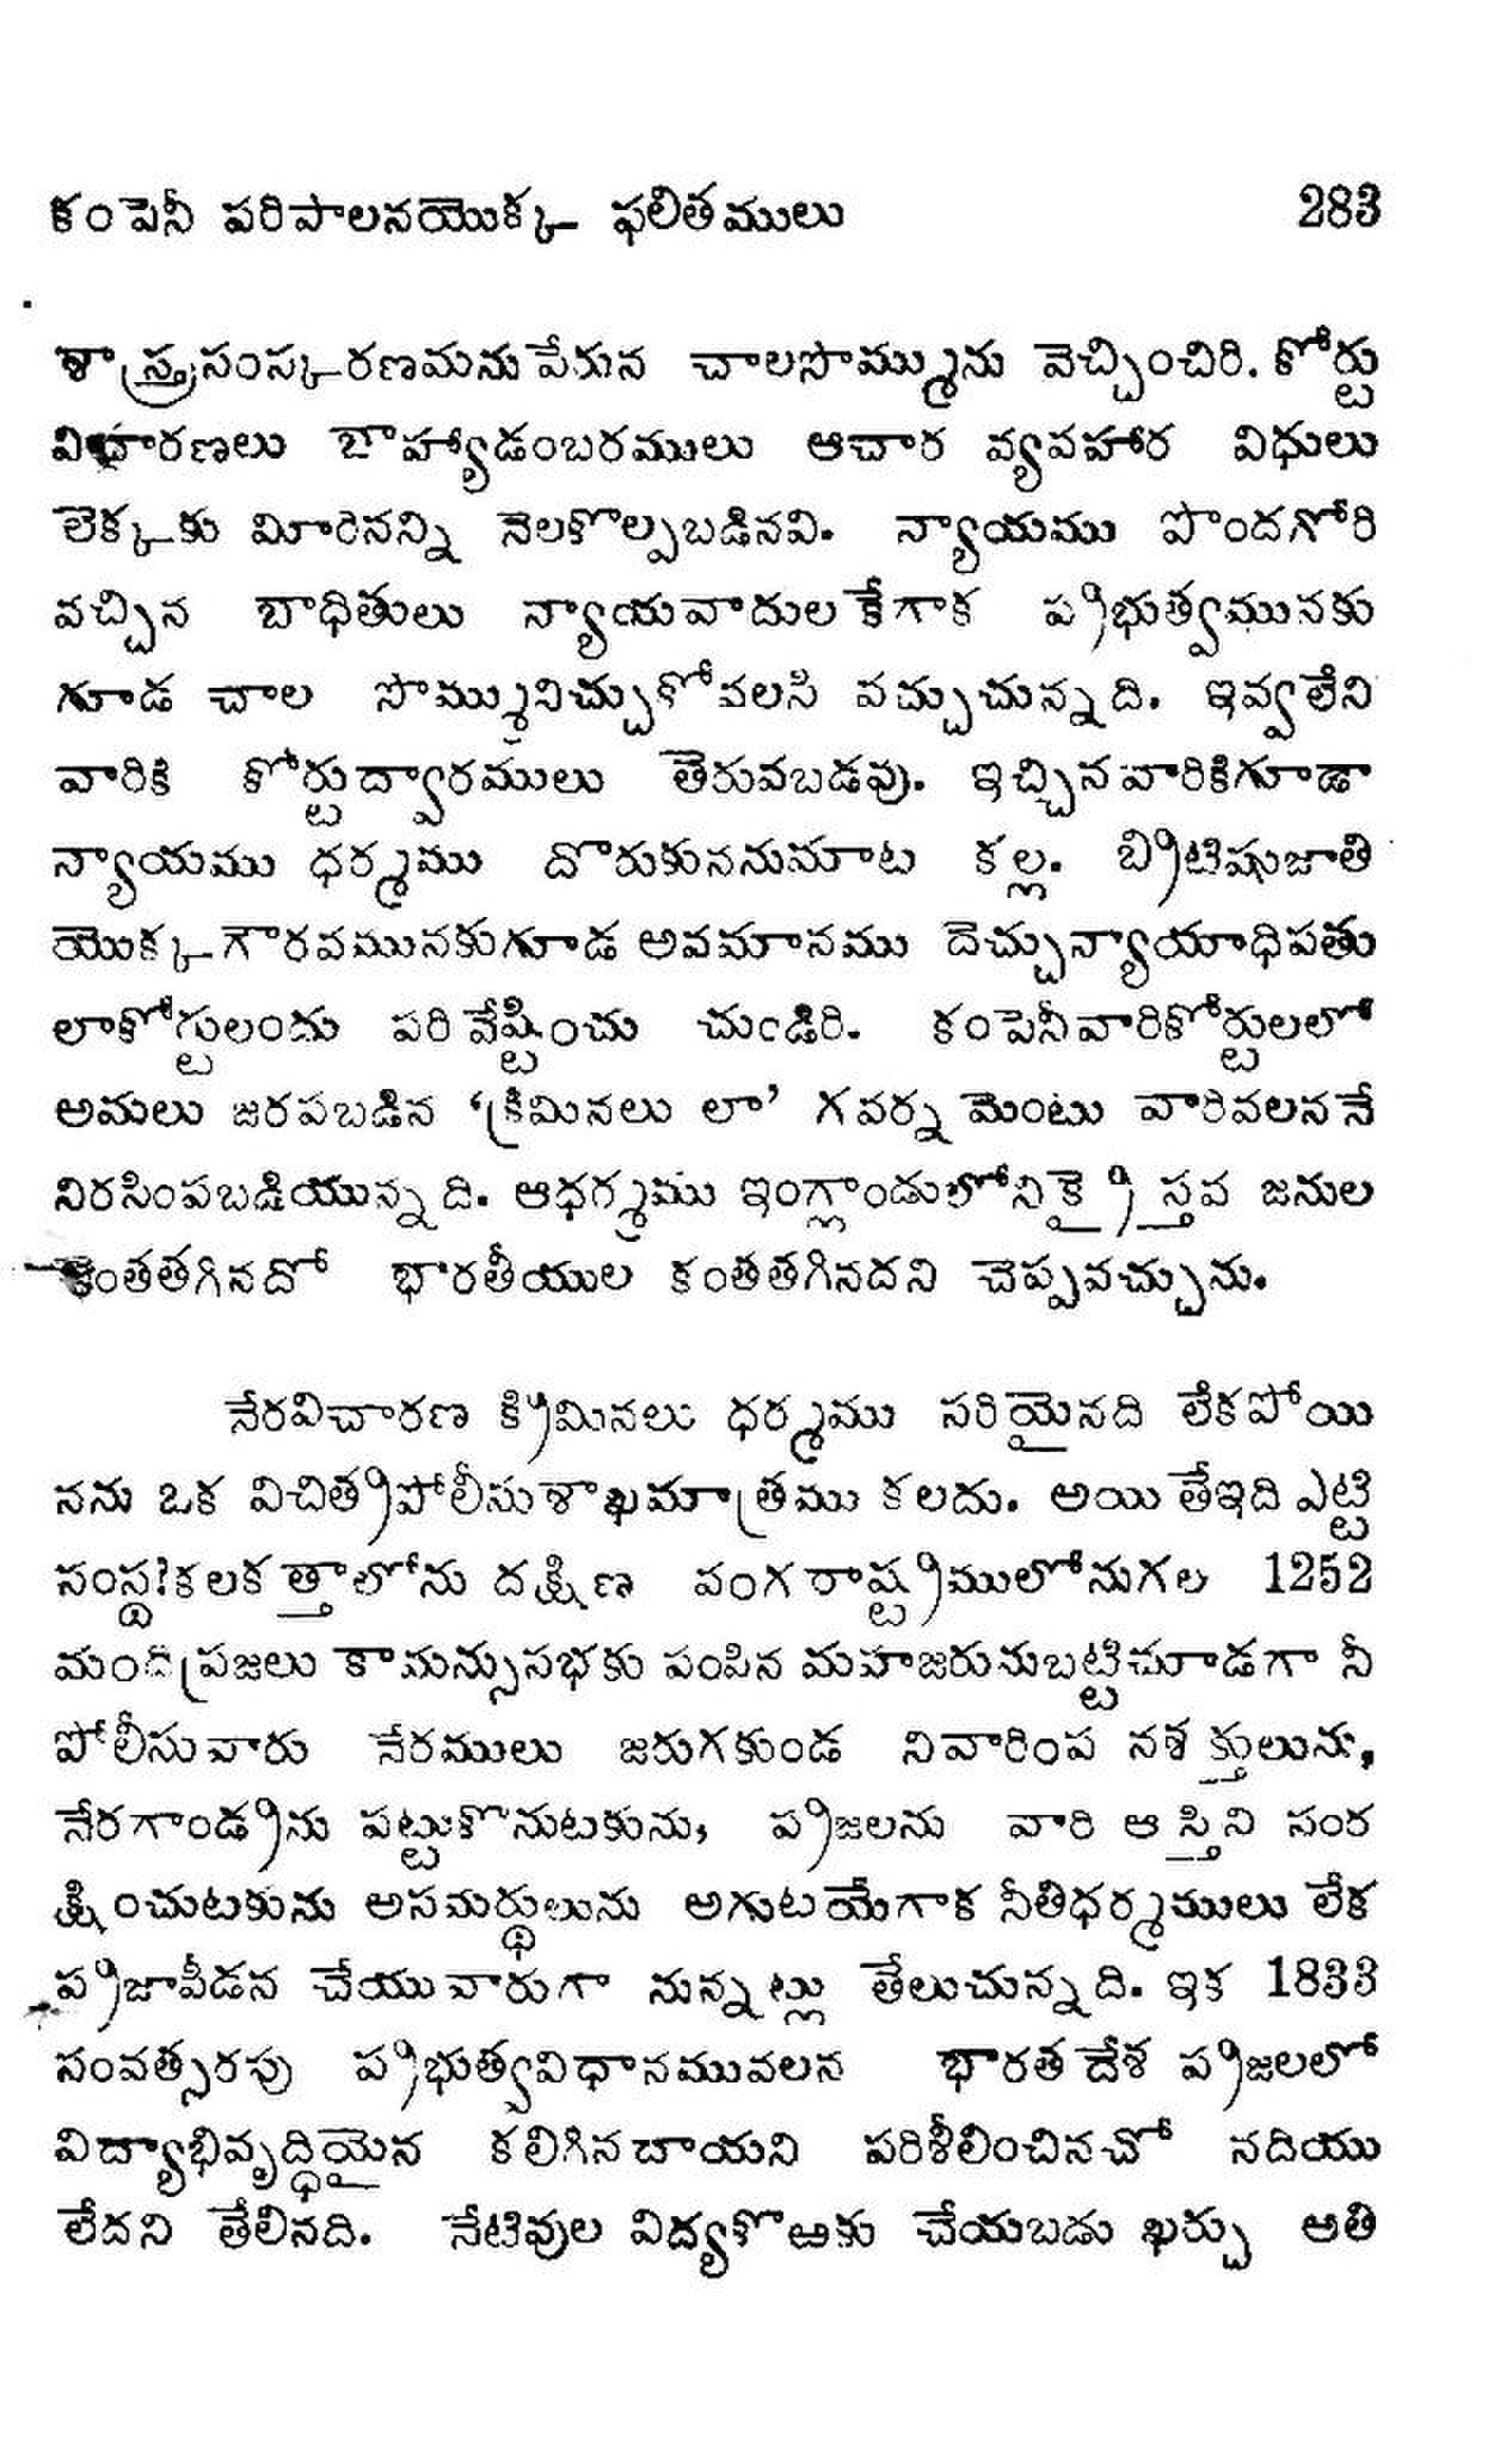శాస్త్రసంస్కరణమనుపేరున చాలసొమ్మును వెచ్చించిరి. కోర్టు విచారణలు బాహ్యాడంబరములు ఆచార వ్యవహార విధులు లెక్కకు మీరినన్ని నెలకొల్పబడినవి. న్యాయము పొందగోరి వచ్చిన బాధితులు న్యాయవాదులకేగాక ప్రభుత్వమునకు గూడ చాల సొమ్మునిచ్చుకోవలసి వచ్చుచున్నది. ఇవ్వలేని వారికి కోర్టుద్వారములు తెరువబడవు. ఇచ్చినవారికిగూడా న్యాయము ధర్మము దొరుకుననుమాట కల్ల. బ్రిటిషుజాతియొక్క గౌరవమునకుగూడ అవమానము దెచ్చున్యాయాధిపతు లాకోర్టులందు పరివేష్టించు చుండిరి. కంపెనీవారికోర్టులలో అమలు జరపబడిన 'క్రిమినలు లా' గవర్నమెంటు వారివలననే నిరసింపబడియున్నది. ఆధర్మము ఇంగ్లాండులోనిక్రైస్తవ జనుల కెంతతగినదో భారతీయుల కంతతగినదని చెప్పవచ్చును.

నేరవిచారణ క్రిమినలు ధర్మము సరియైనది లేకపోయినను ఒక విచిత్రపోలీసుశాఖమాత్రము కలదు. అయితే ఇది ఎట్టి సంస్థ? కలకత్తాలోను దక్షిణ వంగరాష్ట్రములోనుగల 1252 మంది ప్రజలు కామన్సుసభకు పంపిన మహజరునుబట్టి చూడగా నీ పోలీసువారు నేరములు జరుగకుండ నివారింప నశక్తులును, నేరగాండ్రను పట్టుకొనుటకును, ప్రజలను వారి ఆస్తిని సంరక్షించుటకును అసమర్థులును అగుటయేగాక నీతిధర్మములు లేక ప్రజాపీడన చేయువారుగా నున్నట్లు తేలుచున్నది. ఇక 1833 సంవత్సరపు ప్రభుత్వవిధానమువలన భారతదేశ ప్రజలలో విద్యాభివృద్ధియైన కలిగినదాయని పరిశీలించినచో నదియు లేదని తేలినది. నేటివుల విద్యకొఱకు చేయబడు ఖర్చు అతి